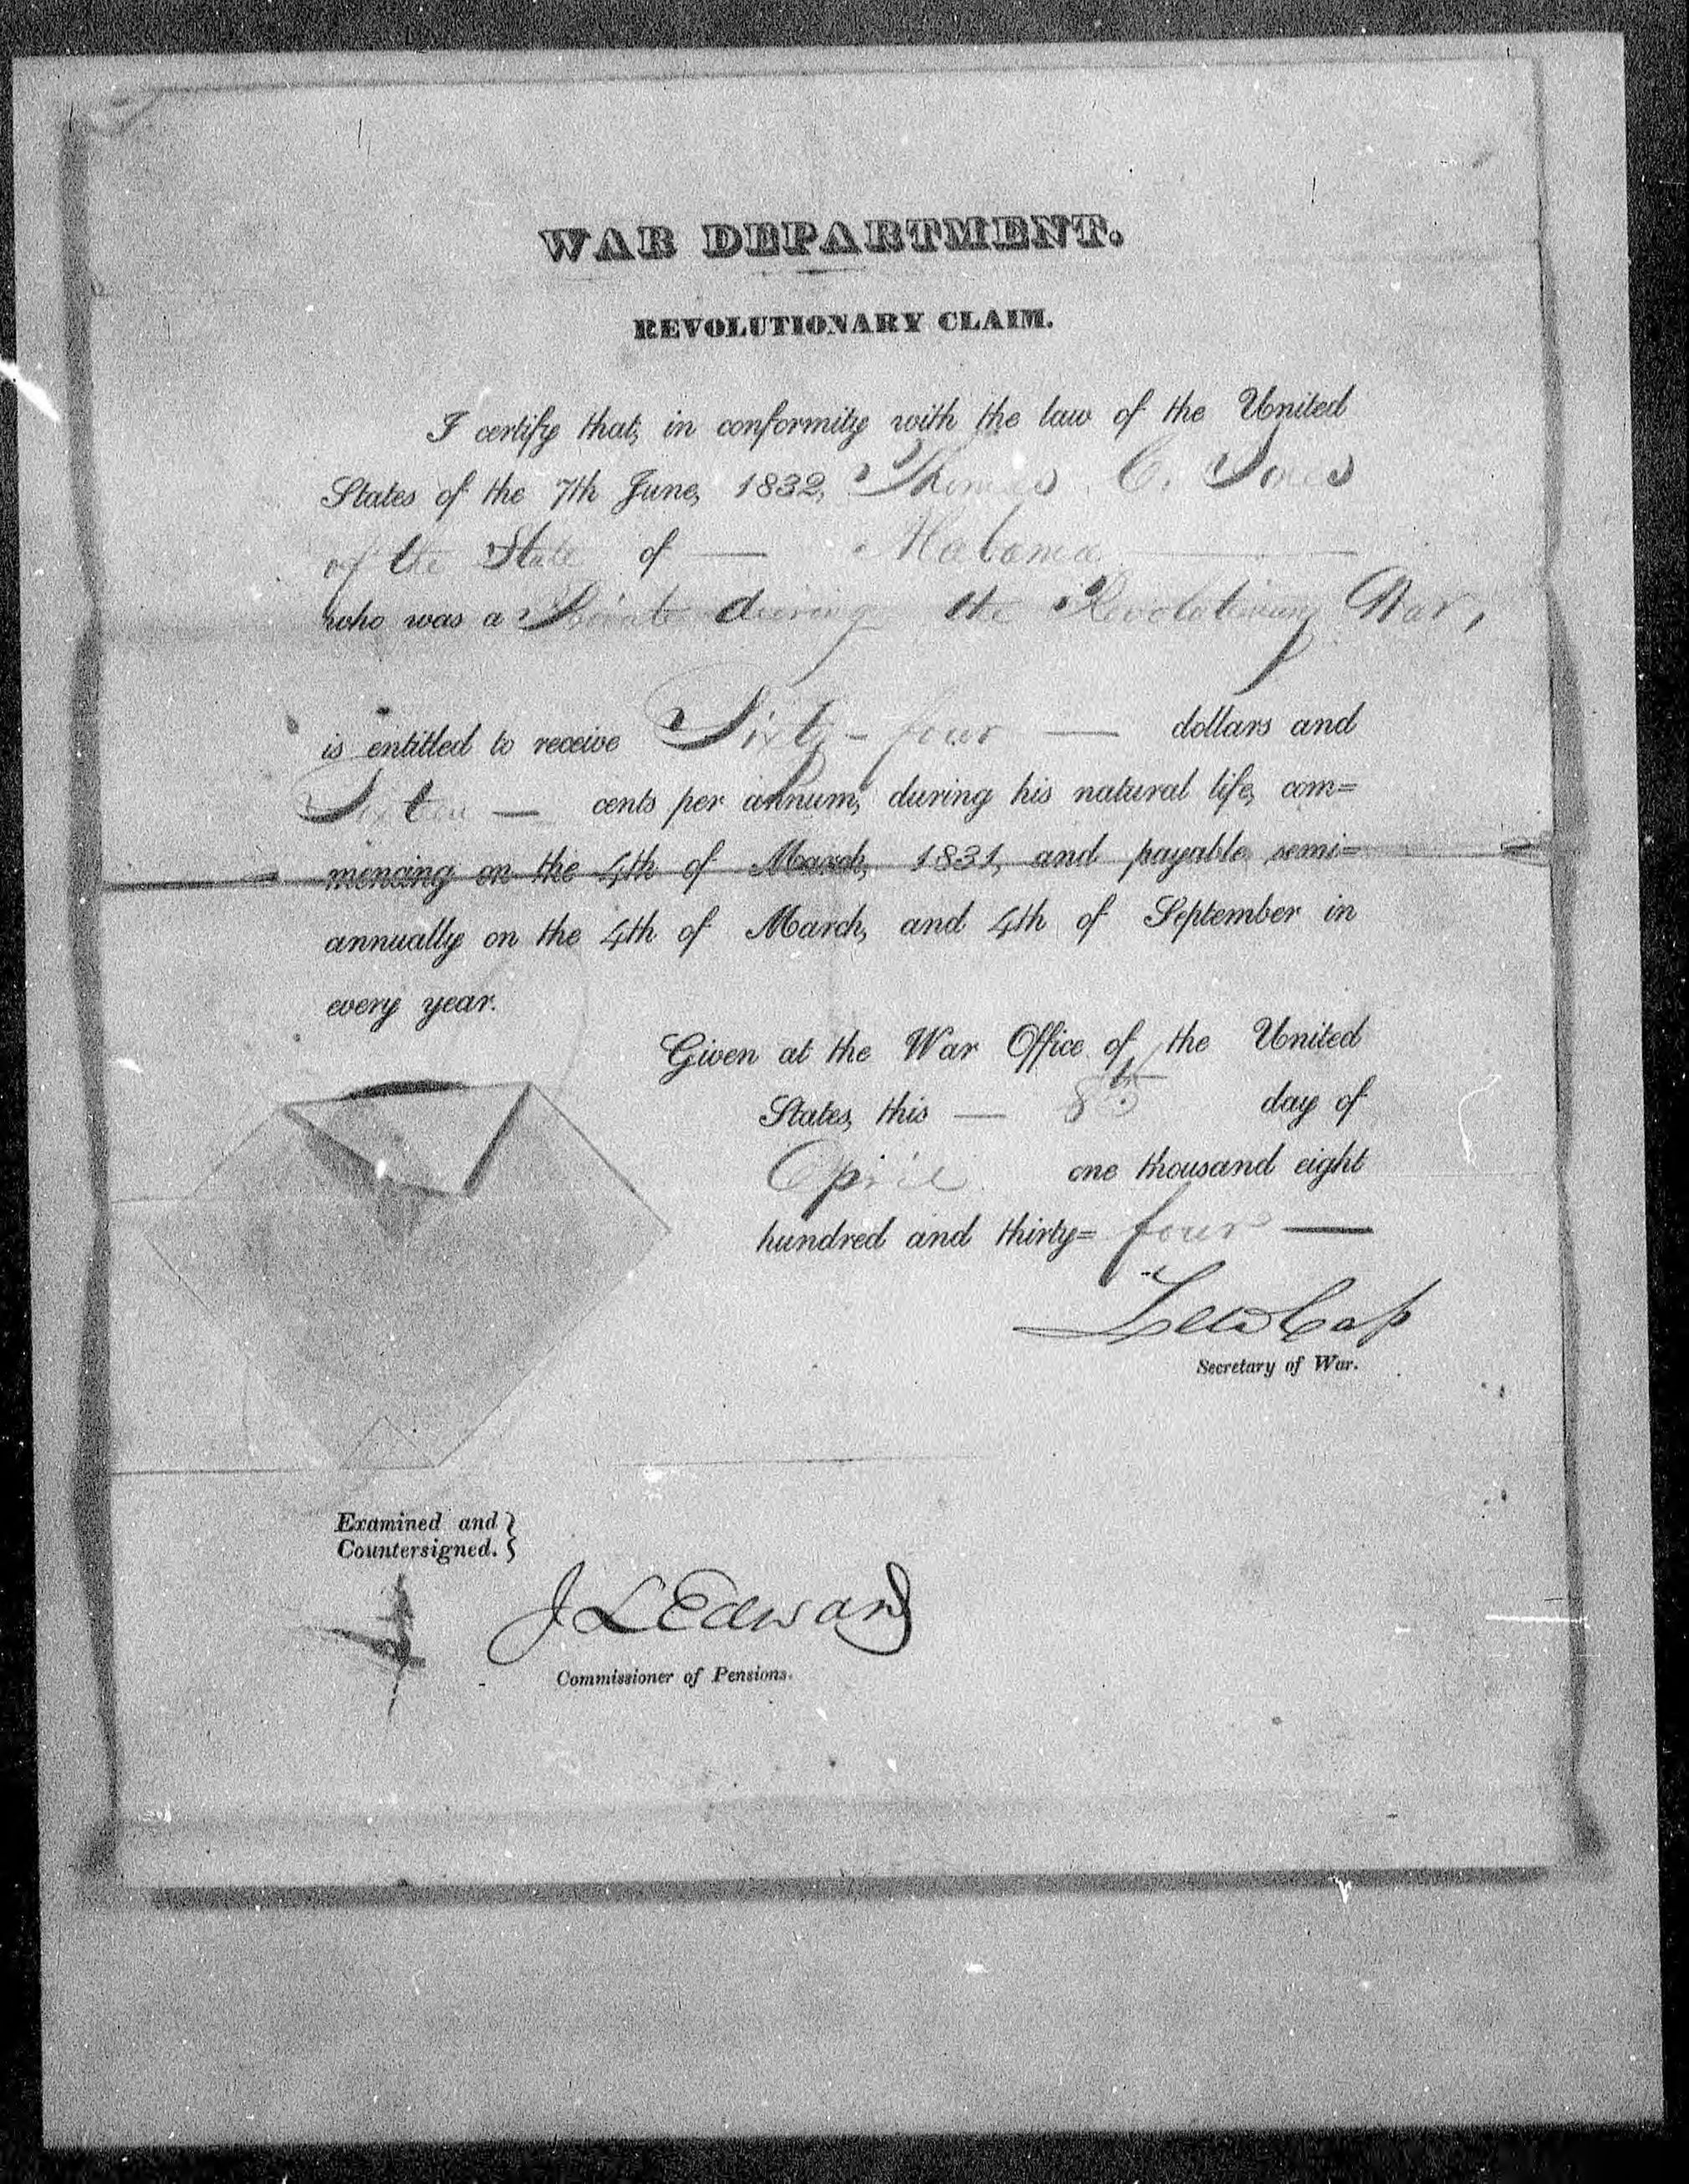WAR DEPARTMENT
REVOLUTIONARY CLAIM

I certify that in conformity with the law of the United
States of the 7th June, 1832, Thomas C Jones
of the State of Alabama
who was a Private during the Revolutionary War
is entitled to receive Sixty-four dollars and
Sixteen cents per annum, during his natural life, 
commencing on the 4th of March 1831, and payable semiannually on the 4th of March, and 4th of September in 
every year.

Given at the War Office of the United
States this 8th day of 
April one thousand eight 
hundred and thirty-four
Lewis Cass
Secretary of War

Examineds and 
Countersigned

J L Edward
Commissioner of Pensions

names: Lew Cass; Thomas C Jones; J L Edwards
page: 33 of 45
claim: widow's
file: W. 26160, for Thomas C Jones, Georgia